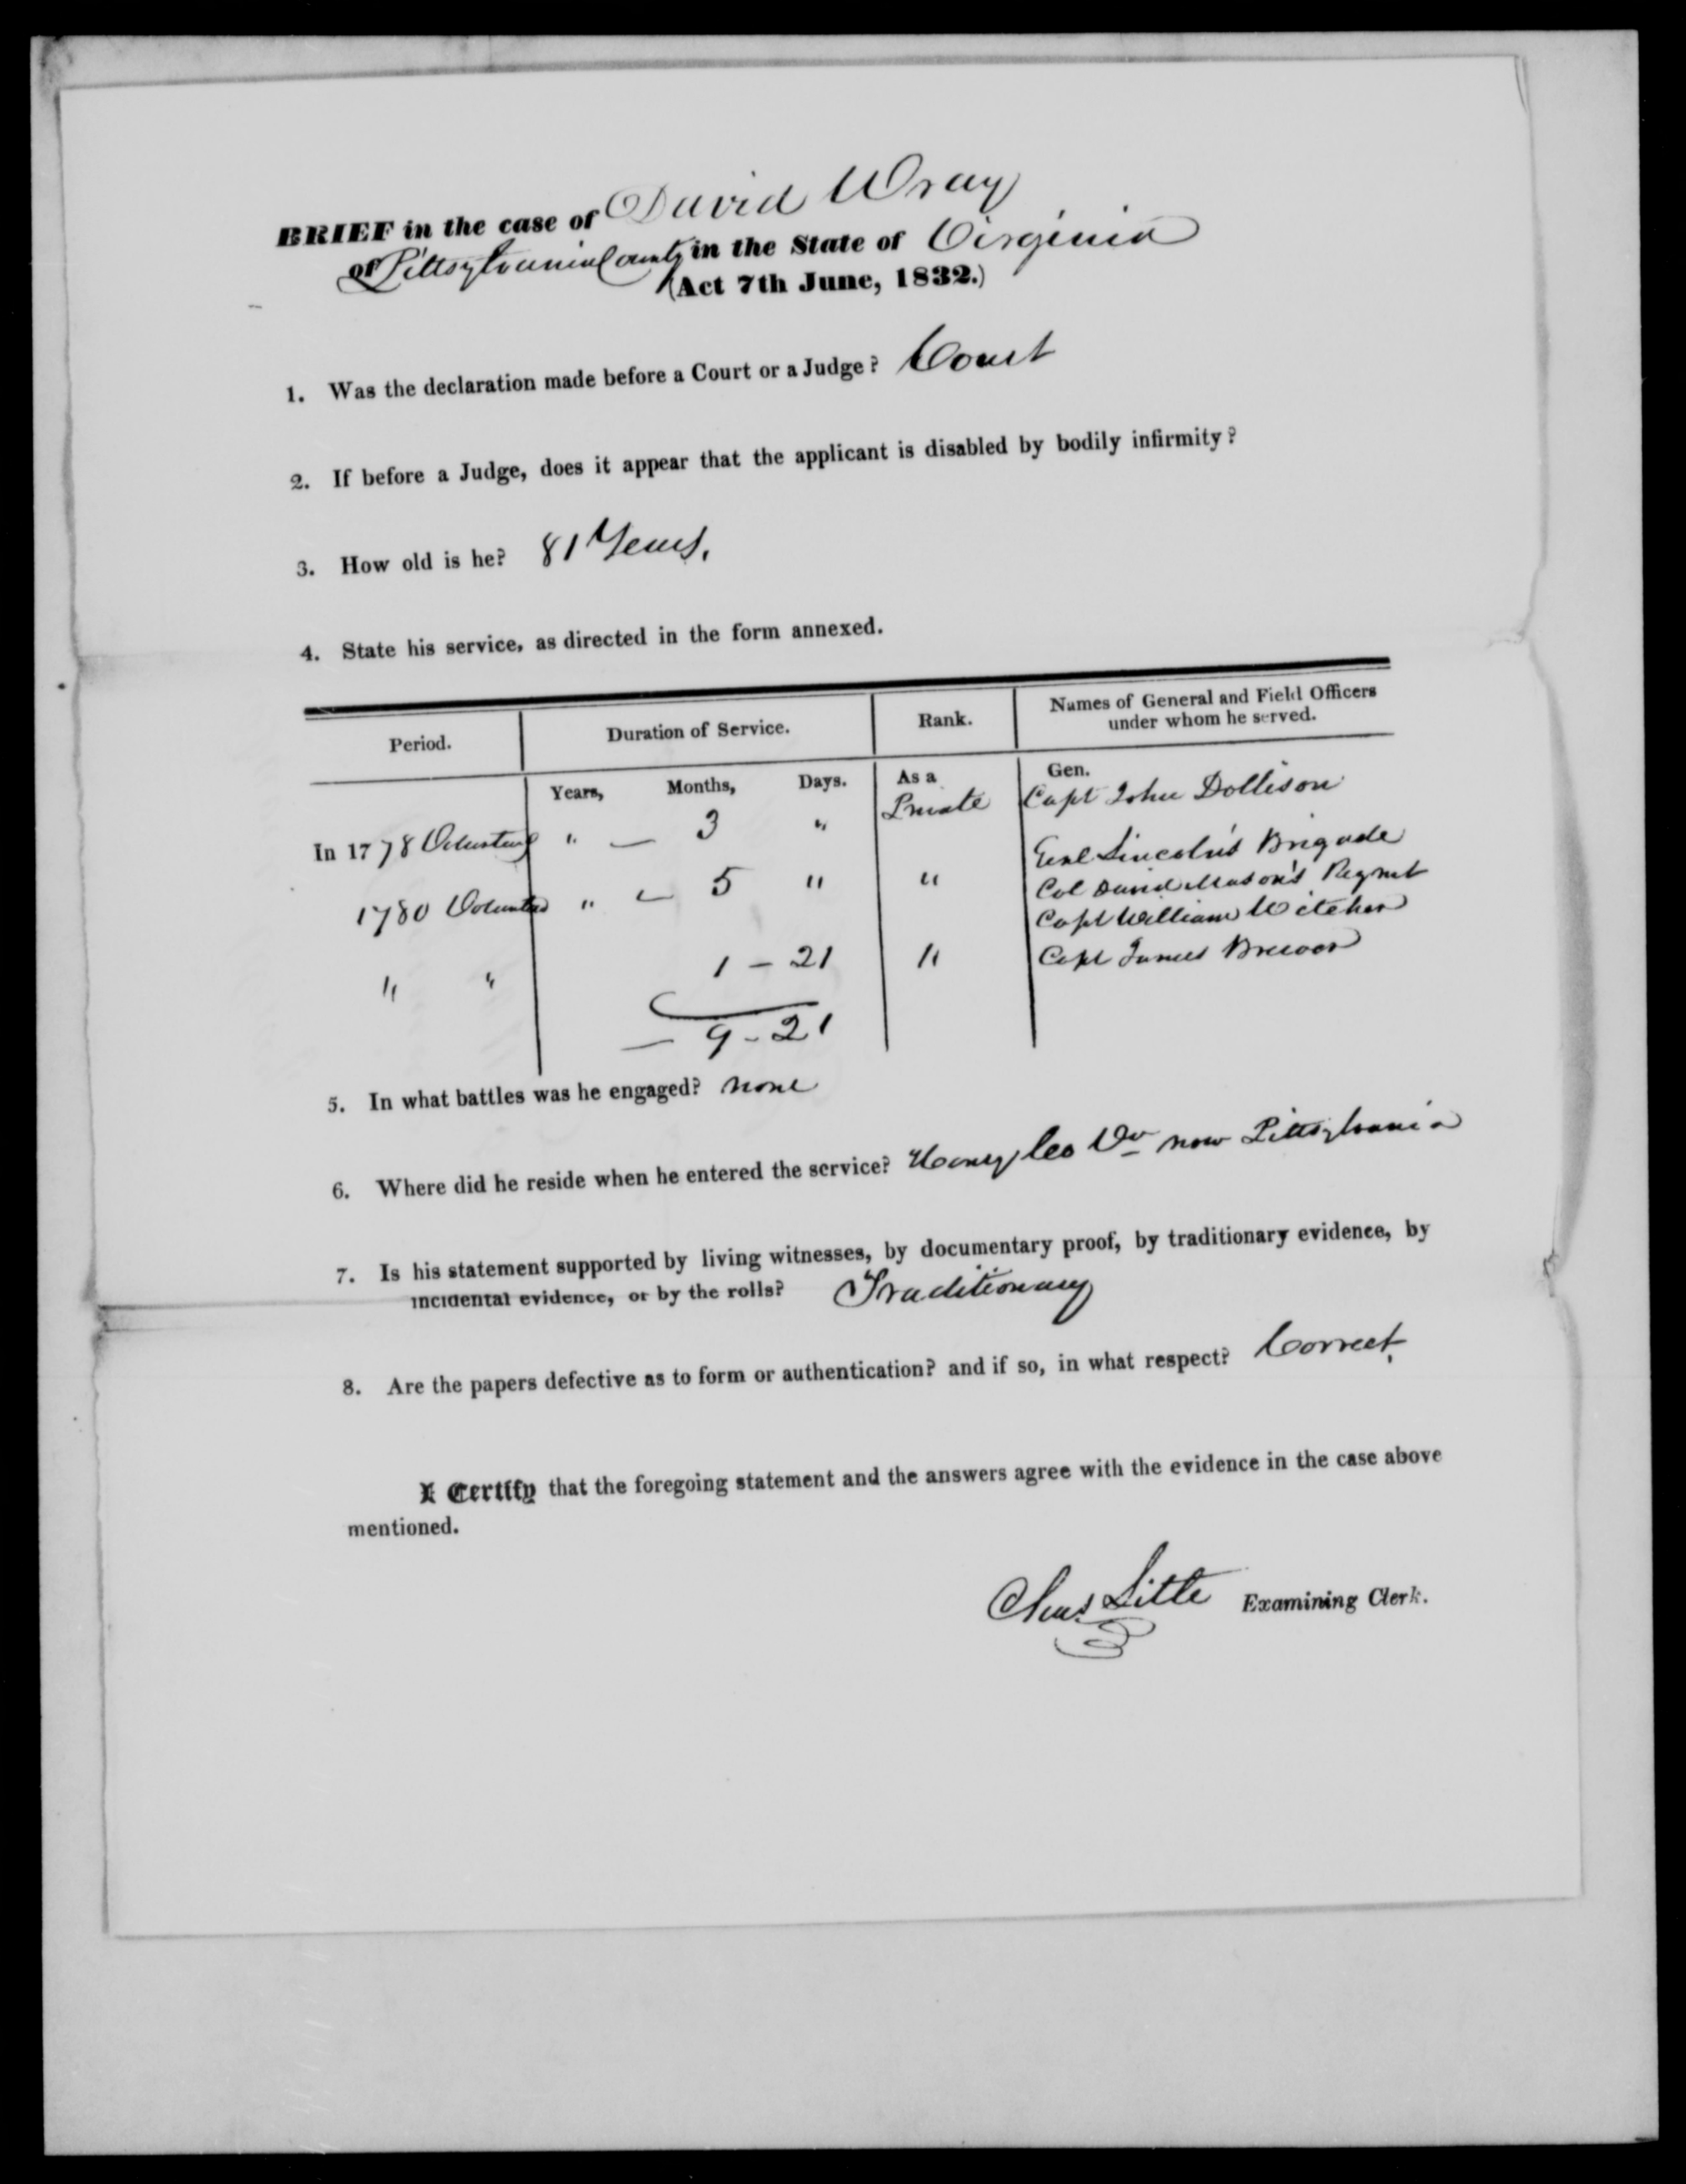BRIEF in the case of David Wray
of Pittsylvania in the state of Virginia
(Act 7th June, 1832.)

1.   Was the declaration made before a Court or a Judge?  Court
2.   If before a Judge, does it appear that the applicant is disabled by bodily infirmity?
3.   How old is he?  81 years
4.   State his service, as directed in the form annexed.

Period.                          Duration of service.                             Rank.                             Names of General and Field Officers
                                                                                                                                          under whom he served.
                                      Years,  Months,   Days.                         As a                                 Gen.
In 1778 Volunteering        "           3            "                           Private                             Capt John Dollison
   1780 Volunteered          "            5            "                                "                                 Genl. Lincoln's Brigade
                                                                                                                                         Col David Mason's Regment
                                                                                                                                         Col William Witcher
     "          "                                    1            21                              "                                  Capt James Brewer
                                                      9 -          21

5.   In what battles was he engaged?  none
6.   Where did he reside when he entered the service?  Henry Co. Va. now Pittsylvania
7.   Is his statement supported by living witnesses, by documentary proof, by traditionary evidence, by incidental evidence, or by the rolls?  Traditionary
8.   Are the papers defective as to form or authentication?  and if so, in what respect?  Correct

I Certify that the foregoing statement and the answers agree with the evidence in the case above mentioned.

Chas Litle
Examining Clerk.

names: John Dollinson, William Witcher, James Brewer, Chas Litle, David Wray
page: 7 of 19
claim: survivor's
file: S. 7,973, David Wray, Va.